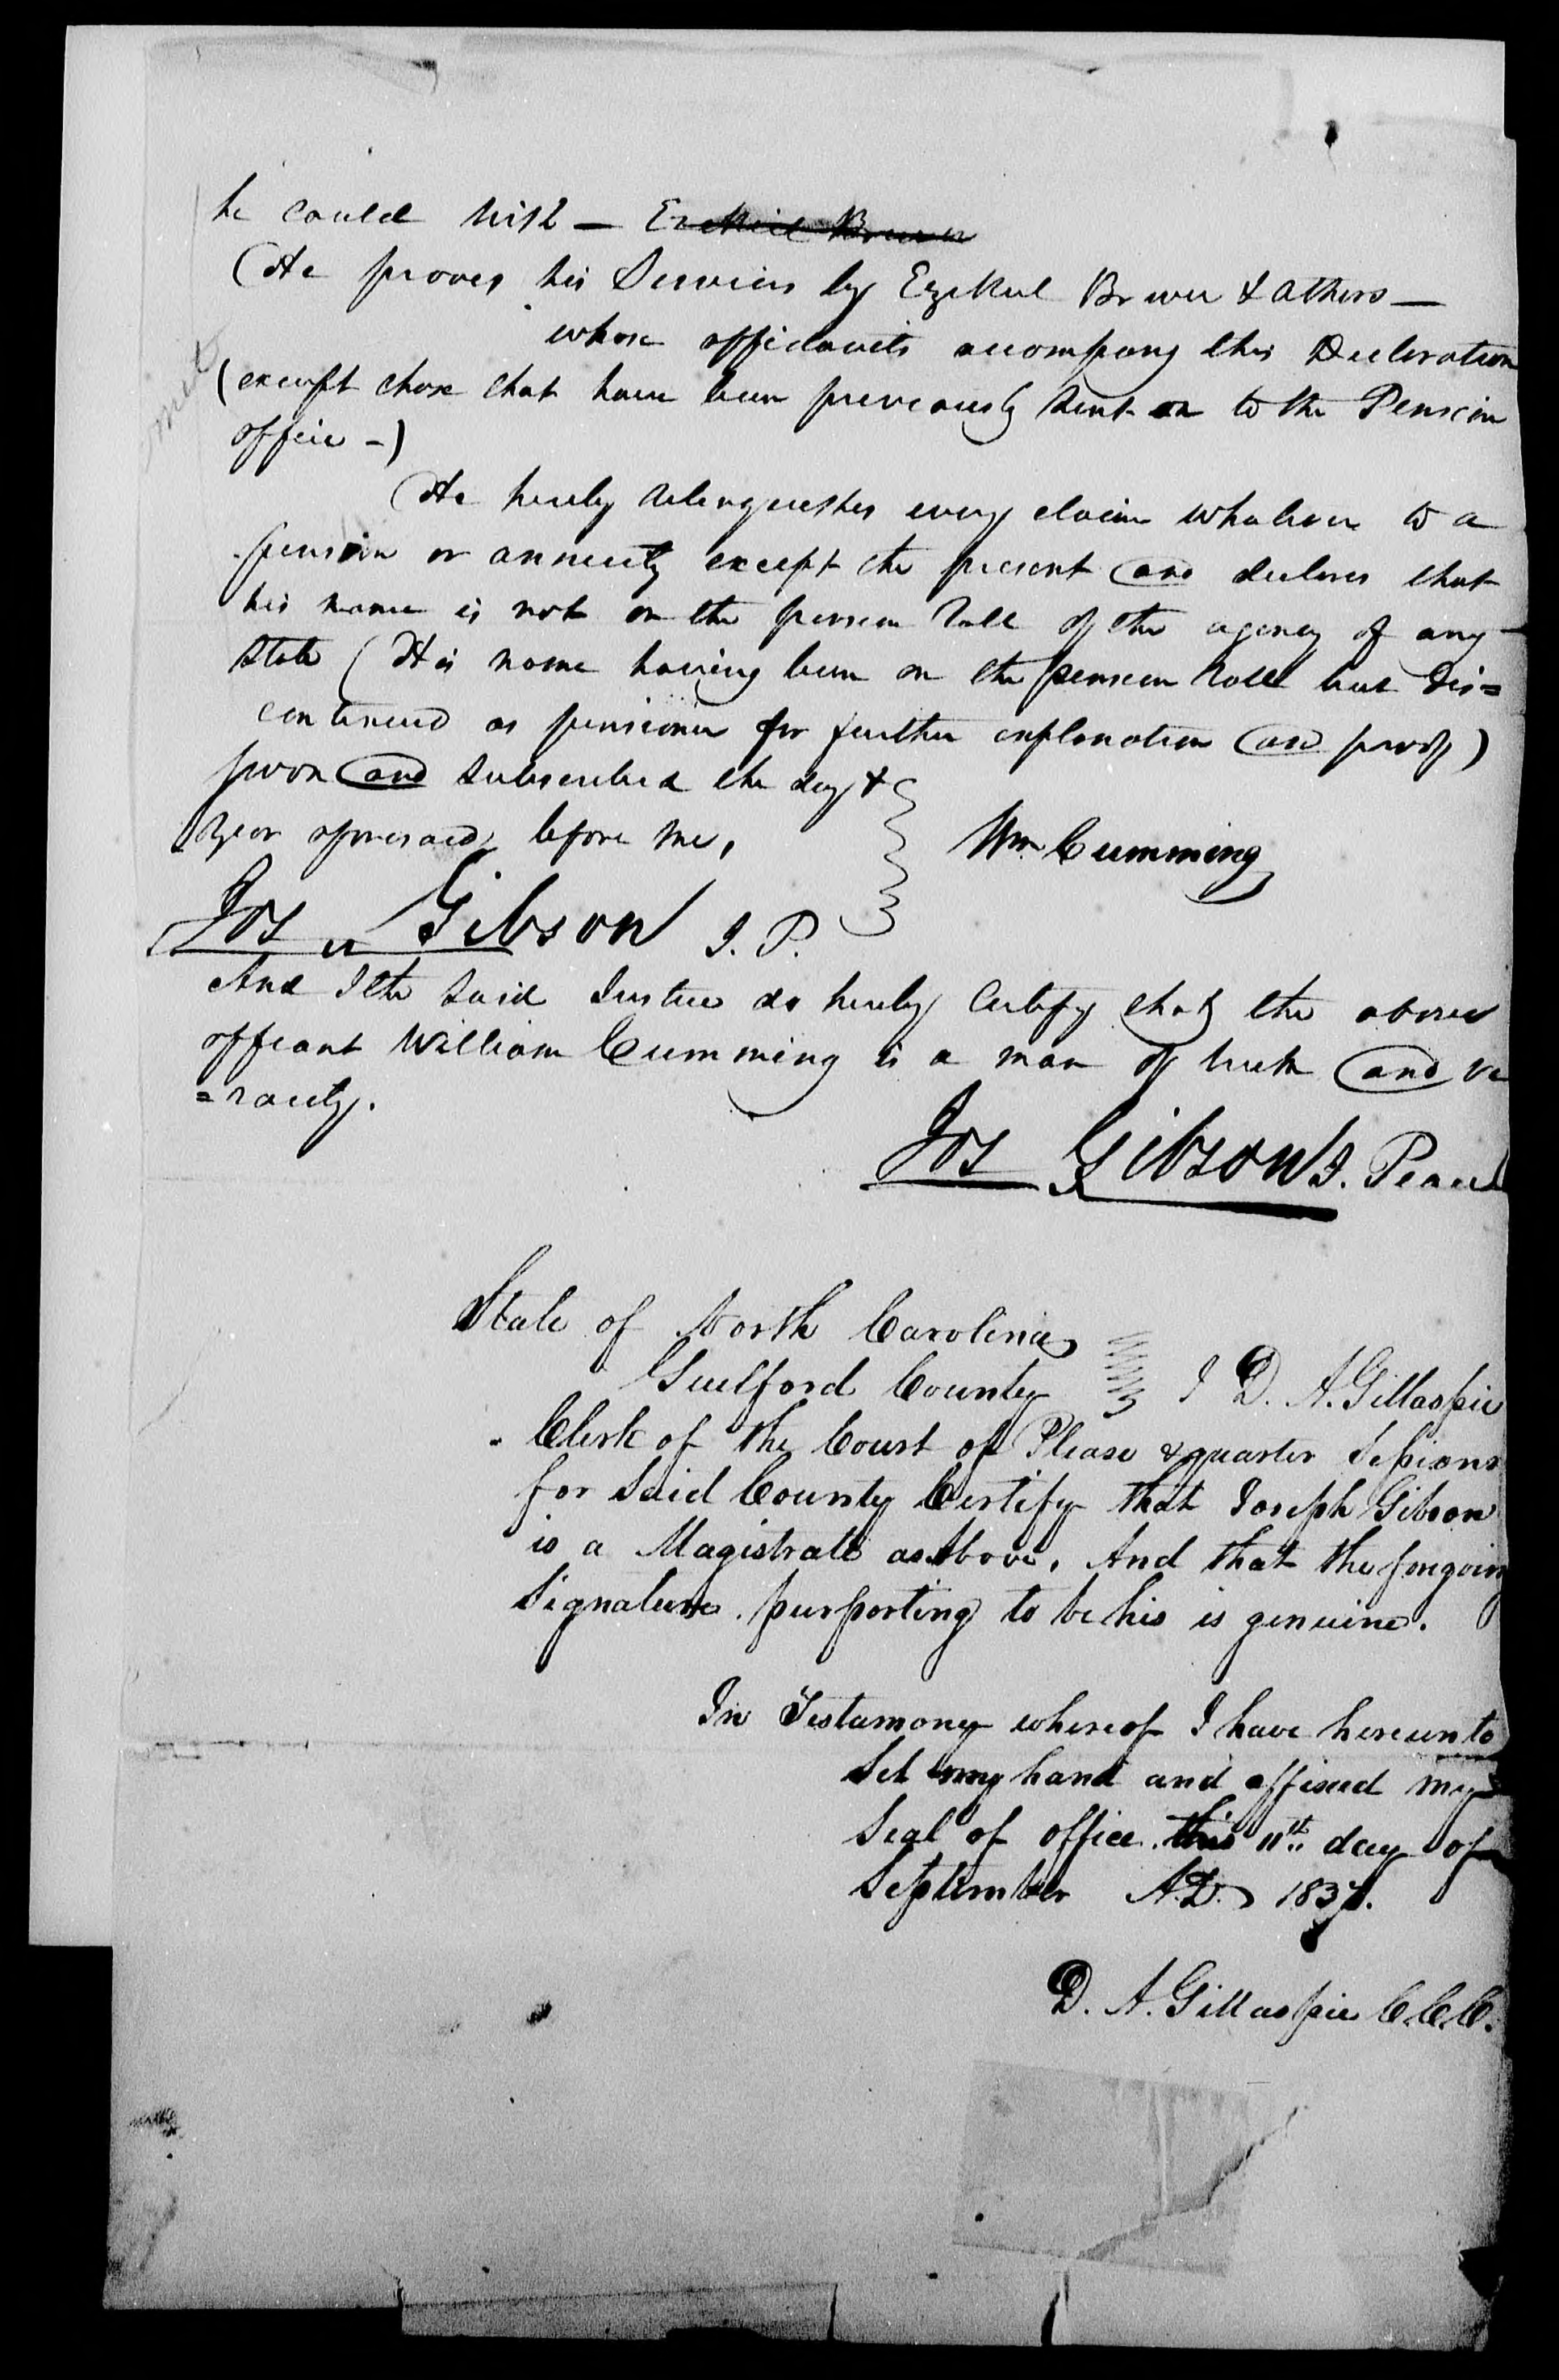[Page 3 of 3, in handwritten record subset, re "Supplemental evidince (Supplemental evidence) To the Declaration of William Cumming re his Revolutionary War Service.  Occasional spacing has been included, to make the long text block easier to read.] 

he could with _ [Here the name "Ezekiel Brewer" was stricken through.]
(He proves his Services by Ezekiel Brewer and others - whose affidavits accompany this Decleration [Declaration]
[Here the word "omit" is written in pencil near the left margin.] (except those that have been previously Sent on to the Pension office-) 

(He hereby relinquishes every claim whatever to a pension or annuity except the present and declares that his name is not on the pension Roll of the agency of any State (His name having been on the pension Roll but discontinued as pensioner for further explanation and proof)

Wm Cumming

Swon [Sworn] and Subscribed the day and)
Year aforesaid, before me,)
[Signature] Jos Gibson J.P. [Justice of the Peace]

And I the Said Justice do hereby Certify that the above affiant William Cumming is a man of truth and Veracity.
[Signature repeated:] Jos Gibson J. Peace [Justice of the Peace]

[In different handwriting:] 
State of North Carolina)
Guilford County)

I D. A. Gillaspie Clerk of the Court of Please [Pleas] and quarter Sessions for Said County Certify that Joseph Gibson is a Magistrate as Above, And that the foregoing Signature. purporting to be his is genuine.

In Testamony [Testimony] whereof I have hereunto Set my hand and affixed my Seal of office. this 11th. day of September A.D. 1837. 
[Signature] D. A. Gillaspie C.C.C. [probably meaning Clerk of the County Court]

[A piece of tape appears near the bottom right hand corner of the document, partially covering a tear in the page.]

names: Joseph Gibson, Wm Cumming, Ezekiel Brewer, Ezekiel Brewer, William Cumming, Jos Gibson, D A Gillaspie, Jos Gibson, D A Gillaspie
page: 145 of 145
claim: survivor's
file: S. 8265, William Cumming, N.C.